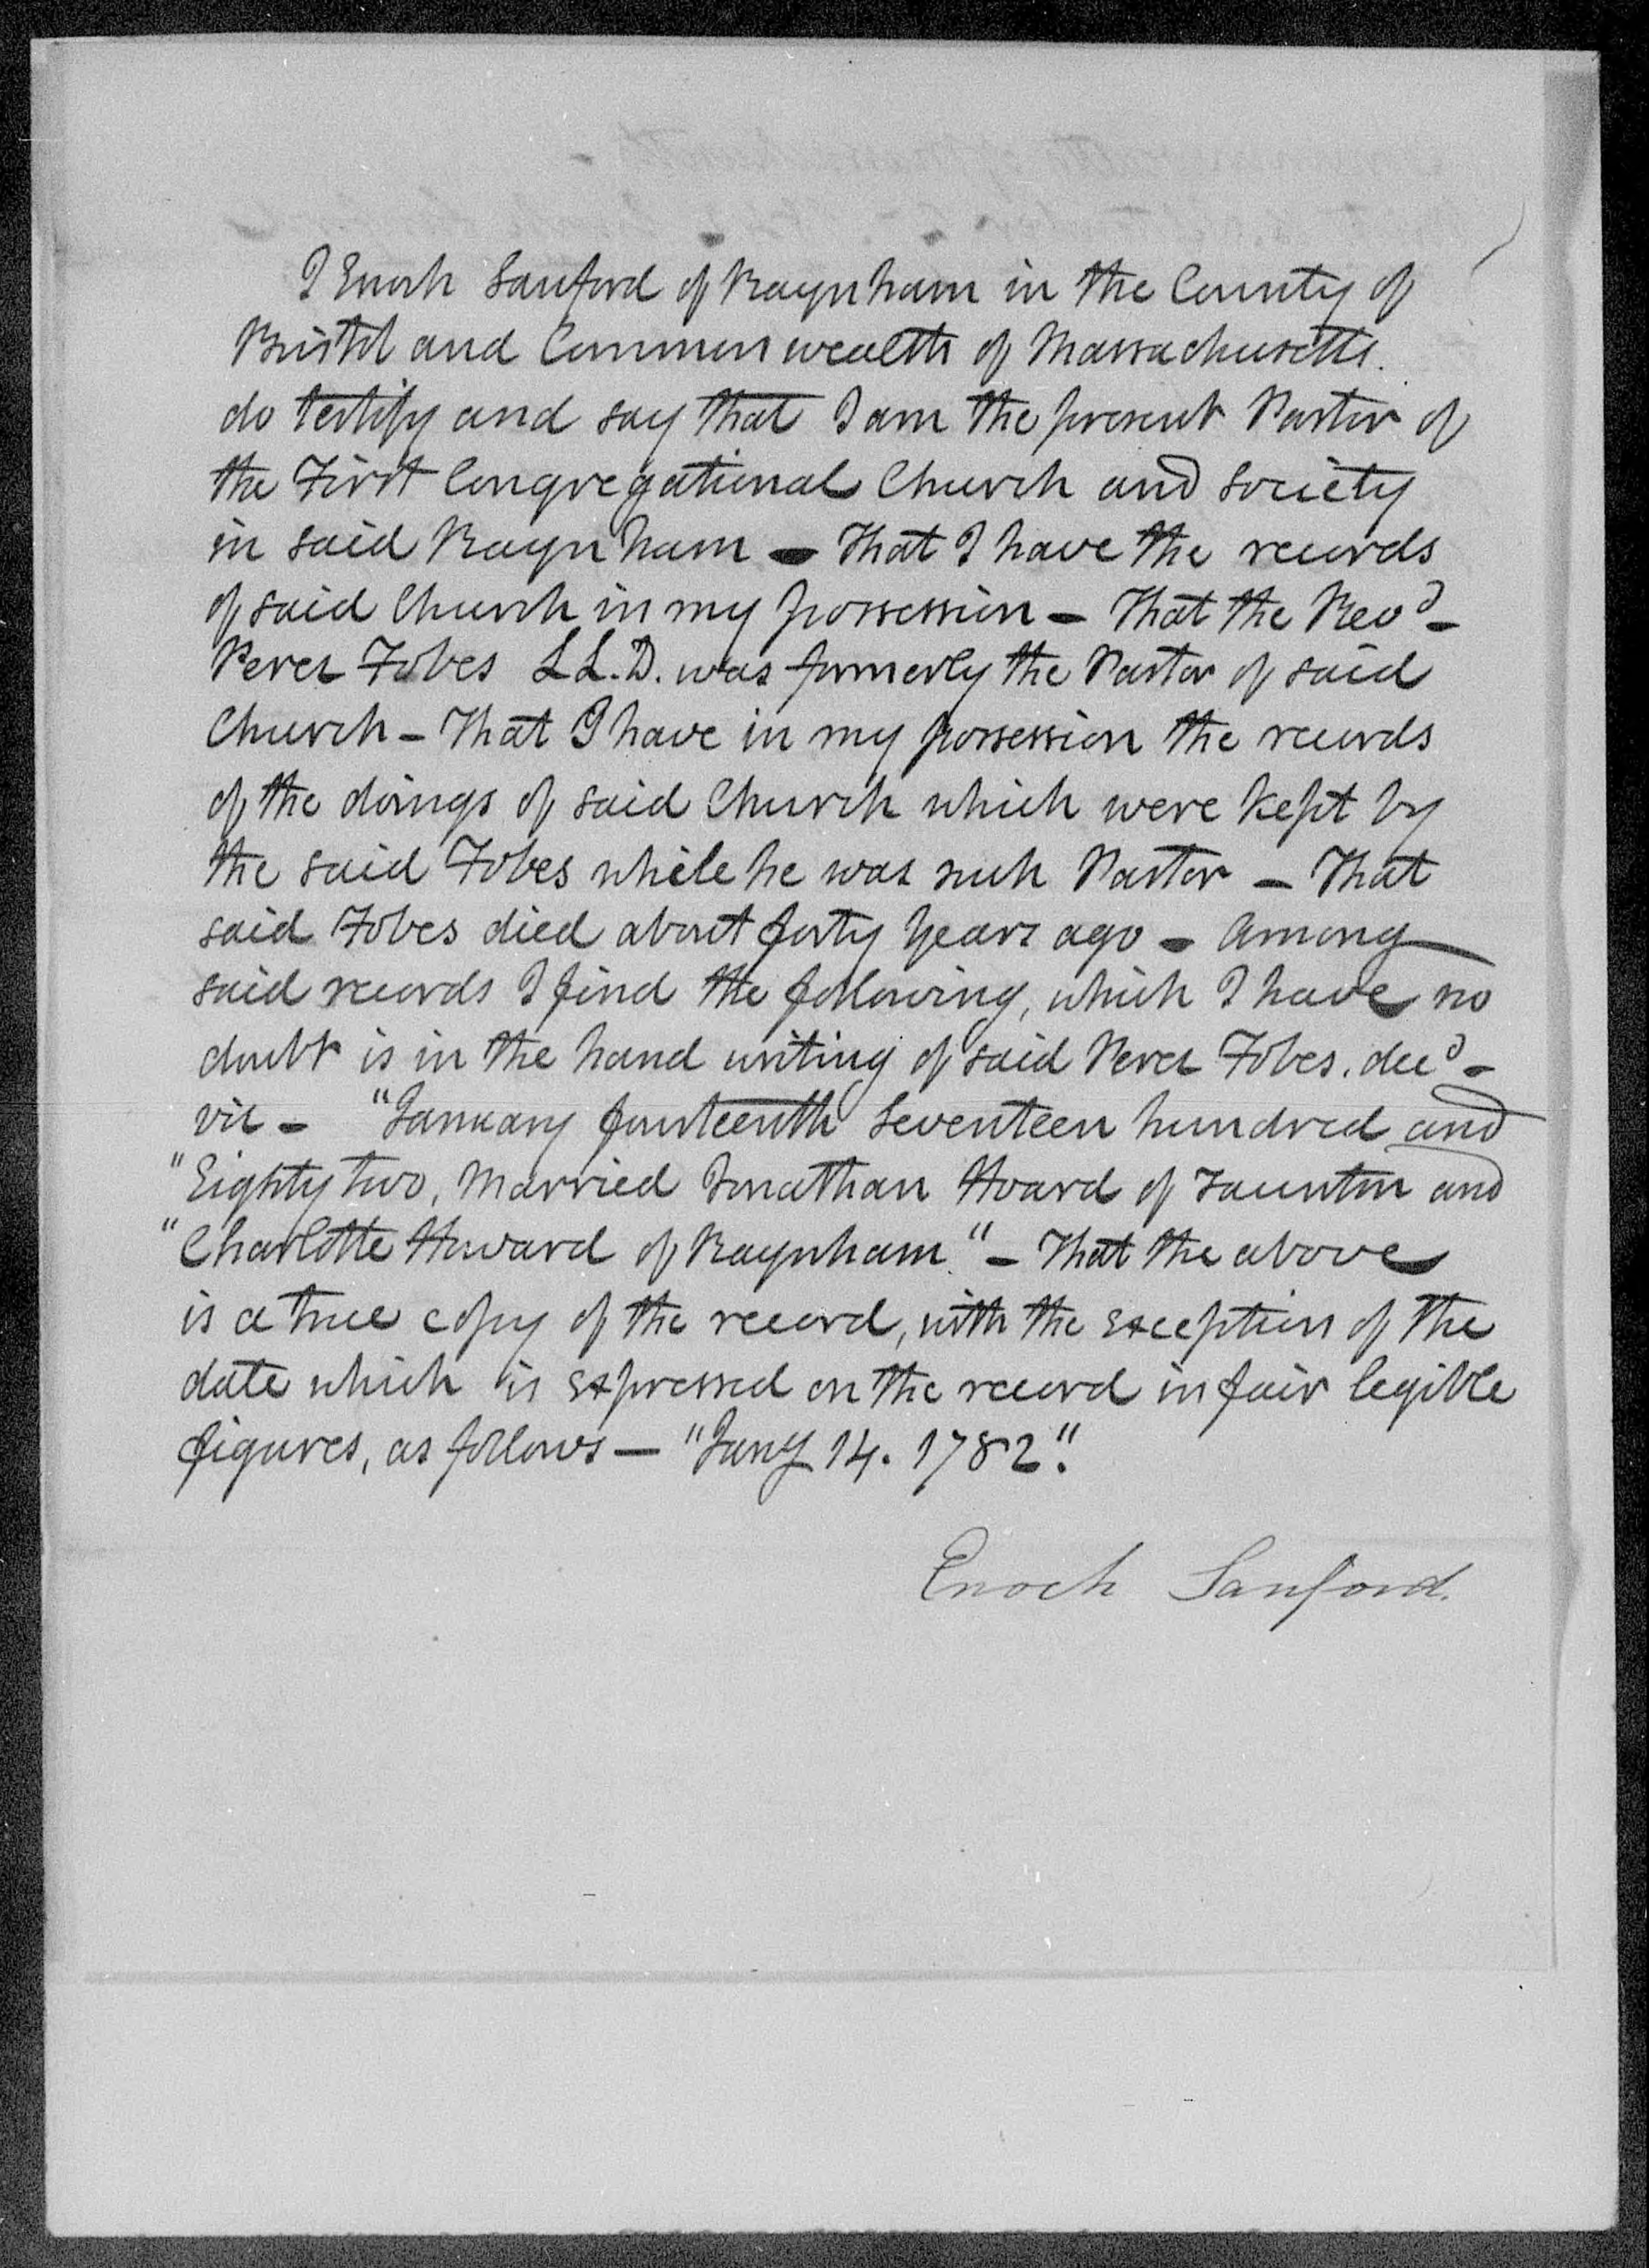I Enoch Sanford of Raynham in the County of Bristol and Commonwealth of Massachusetts do testify and say that I am the present Pastor of the First Congregational Church and Society in said Raynham. That I have the records of said Church in my possession. That the Revd. Peres Fobes L.L.D. was formerly the Pastor of said Church. That I have in my possession the records of the doings of said Church which were kept by the said Fobes while he was (?) Pastor. That said Fobes died about forty years ago. Among said records I find the following, which I have no doubt is in the hand writing of said Peres Fobes, decd. vis.  "January fourteenth seventeen hundred and Eighty two, married Jonathan Hoard of Taunton and Charlotte Howard of Raynham. " That the above is a true copy of the record, with the exception of the date which is expressed on the record in fair legible figures, as follows - "Jany 14, 1782."
Enoch Sanford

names: Enoch Sanford, Fobes, Fobes, Jonathan Hoard, Perez Fobes, Enoch Sanford, Perez Fobes, Charlotte Howard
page: 9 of 52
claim: widow's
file: W 19755, Jonathan Hoard, Mass.